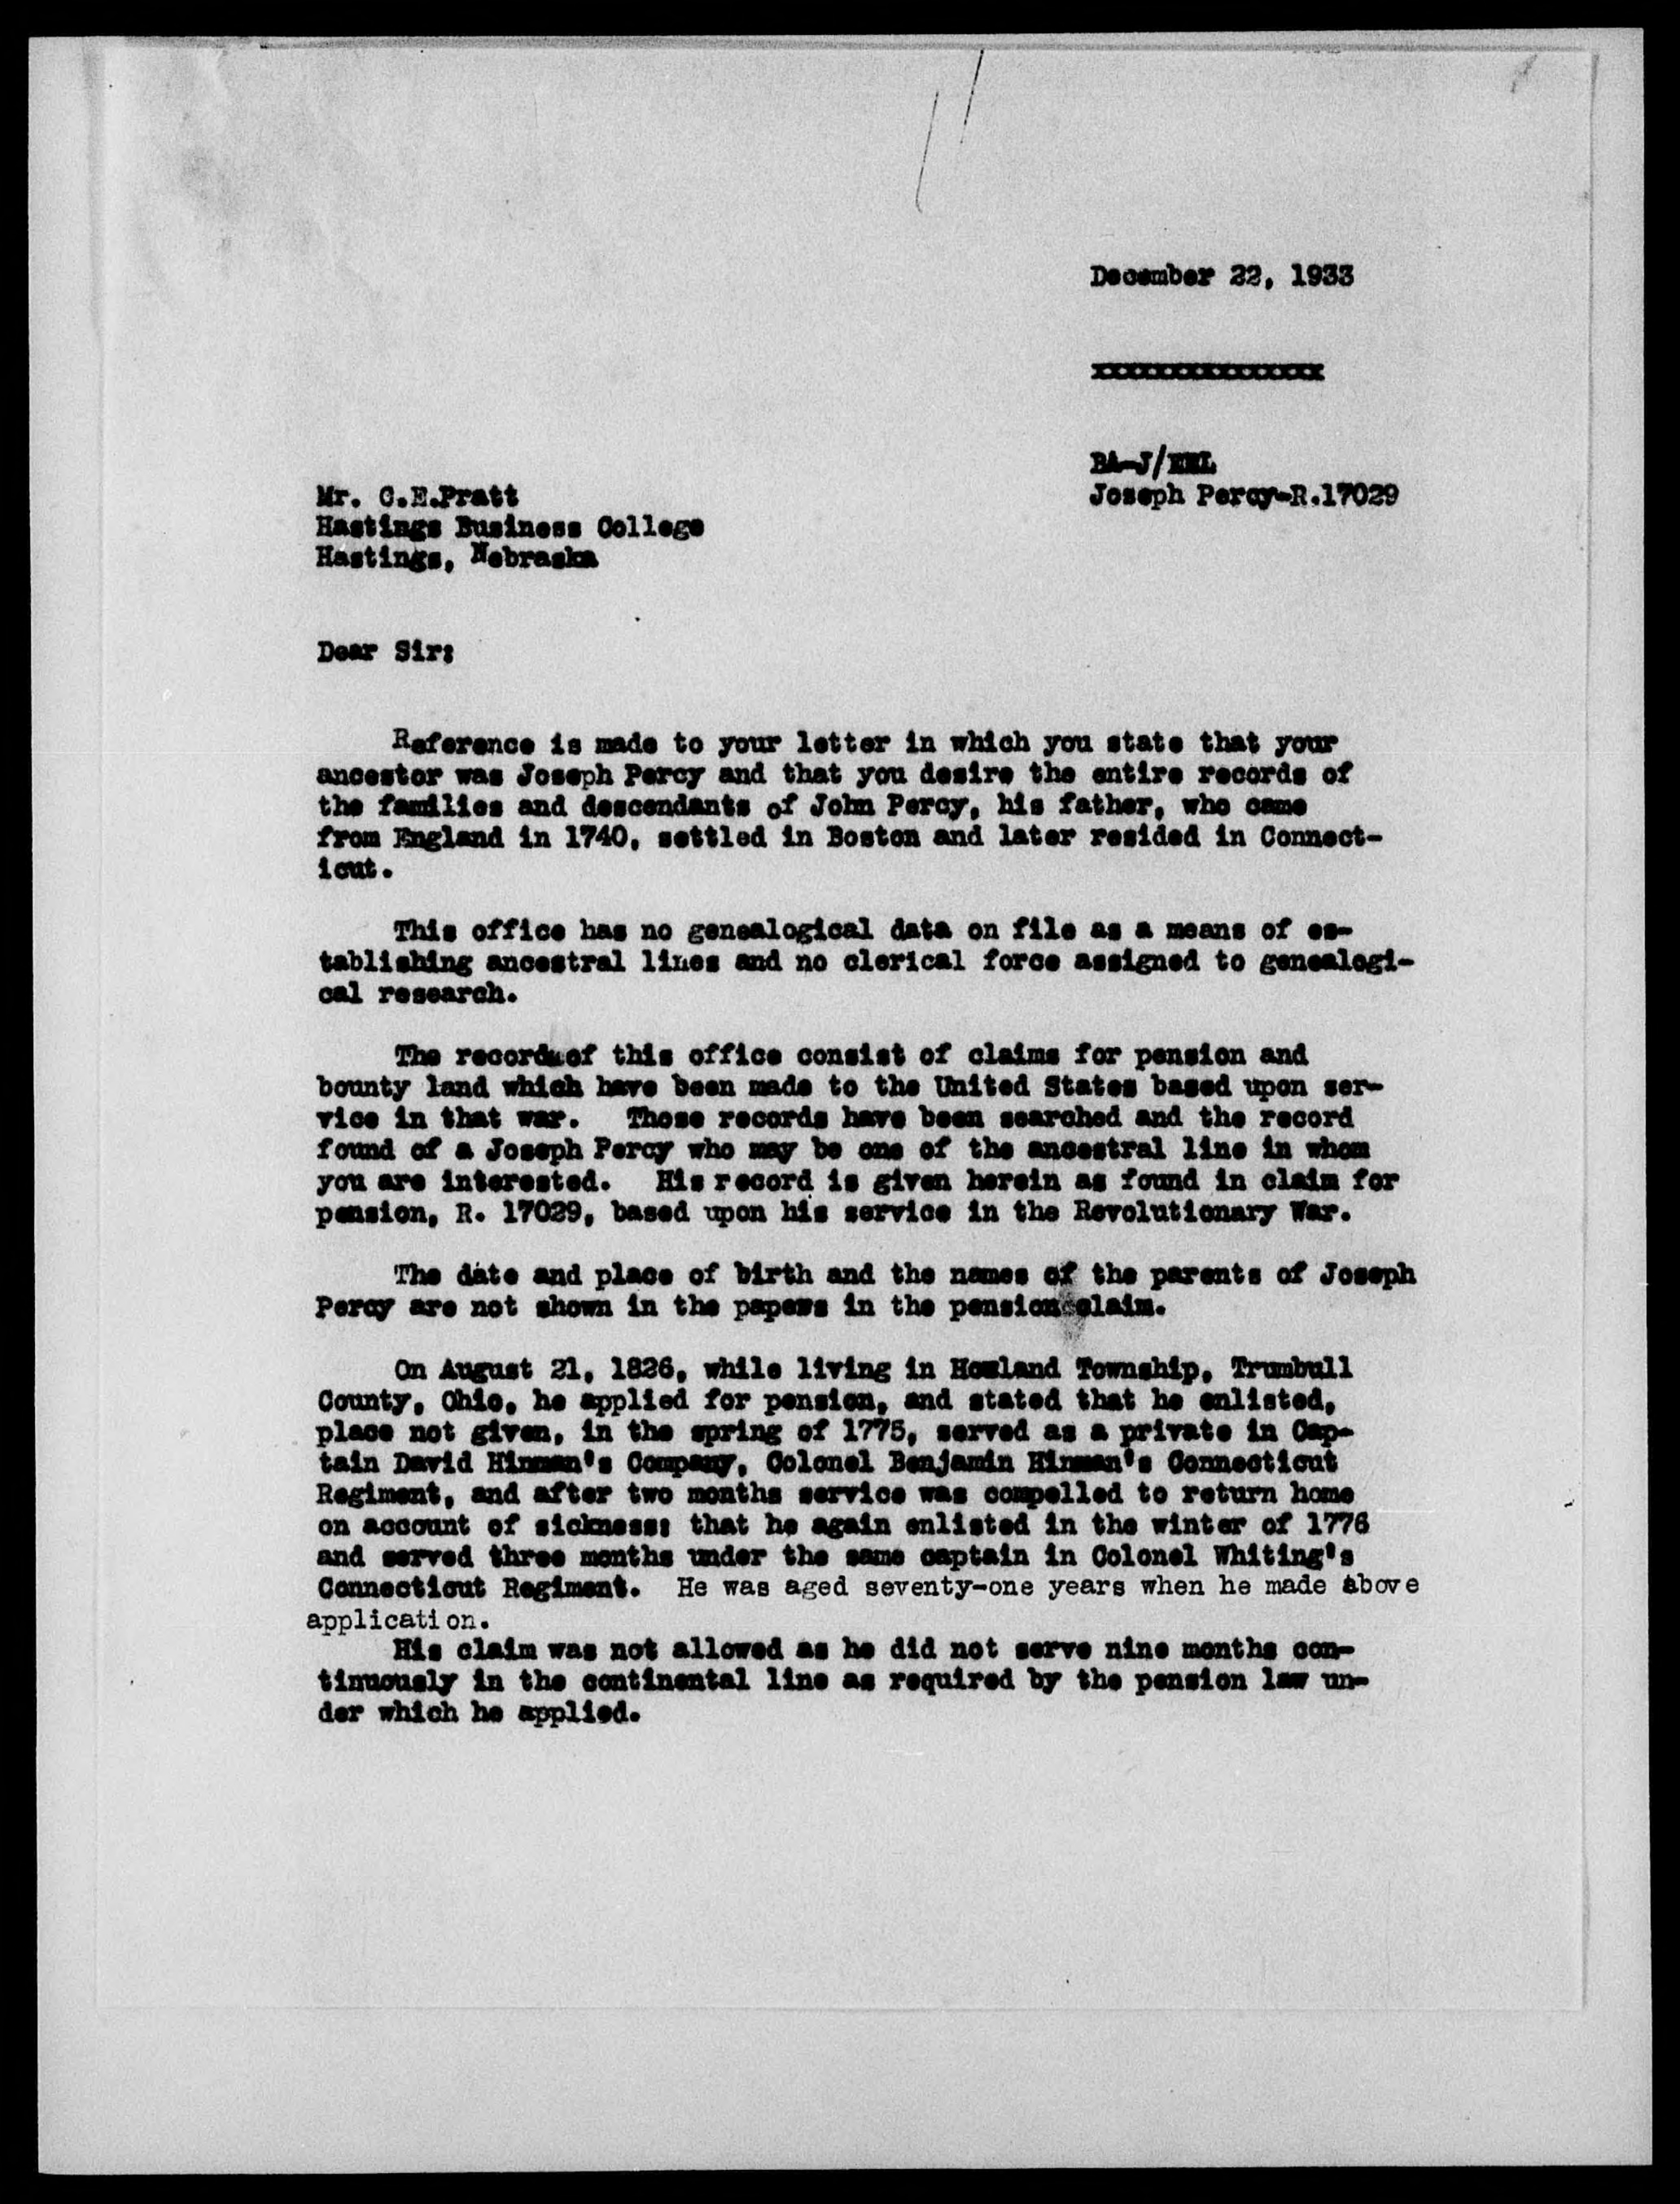December 22, 1933

BA-J/EEL
Joseph Percy-R.17029

Mr. C.E. Pratt
Hastings Business College
Hastings, Nebraska

Dear Sir:
   Reference is made to your letter in which you state that your ancestor was Joseph Percy and that you desire the entire records of the families and descendants of John Percy, his father, who came from England in 1740, settled in Boston and later resided in Connecticut.
   This office has no genealogical data on file as a means of establishing ancestral lines and no clerical force assigned to genealogical research.
   The records of this office consist of claims for pension and bounty land which have been made to the United States based upon service in that war.  These records have been searched and the record found of a Joseph Percy who may be one of the ancestral line in whom you are interested.  His record is given here in as found in claim for pension, R. 17029, based upon his service in the Revolutionary War.
   The date and place of birth and the names of the parents of Joseph Percy are not shown in the papers in the pension claim.
   On August 21, 1826, while living in Howland Township, Trumbull County Ohio, he applied for pension, and stated that he enlisted, place not given, in the spring of 1775, served as a private in Captain David Hinman's Company, Colonel Benjamin Hinman's Connecticut Regiment, and after two months service was compelled to return home on account of sickness; that he again enlisted in the winter of 1776 and served three months under the same captain in Colonel Whitings's Connecticut Regiment.  He was aged seventy-one years when he made above application.
   His claim was not allowed as he did not serve nine months continuously in the continental line as required by the pension law under which he applied.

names: C E Pratt; John Percy; Joseph Percy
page: 5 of 20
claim: rejected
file: R. 17029, for Joseph Percy, Connecticut